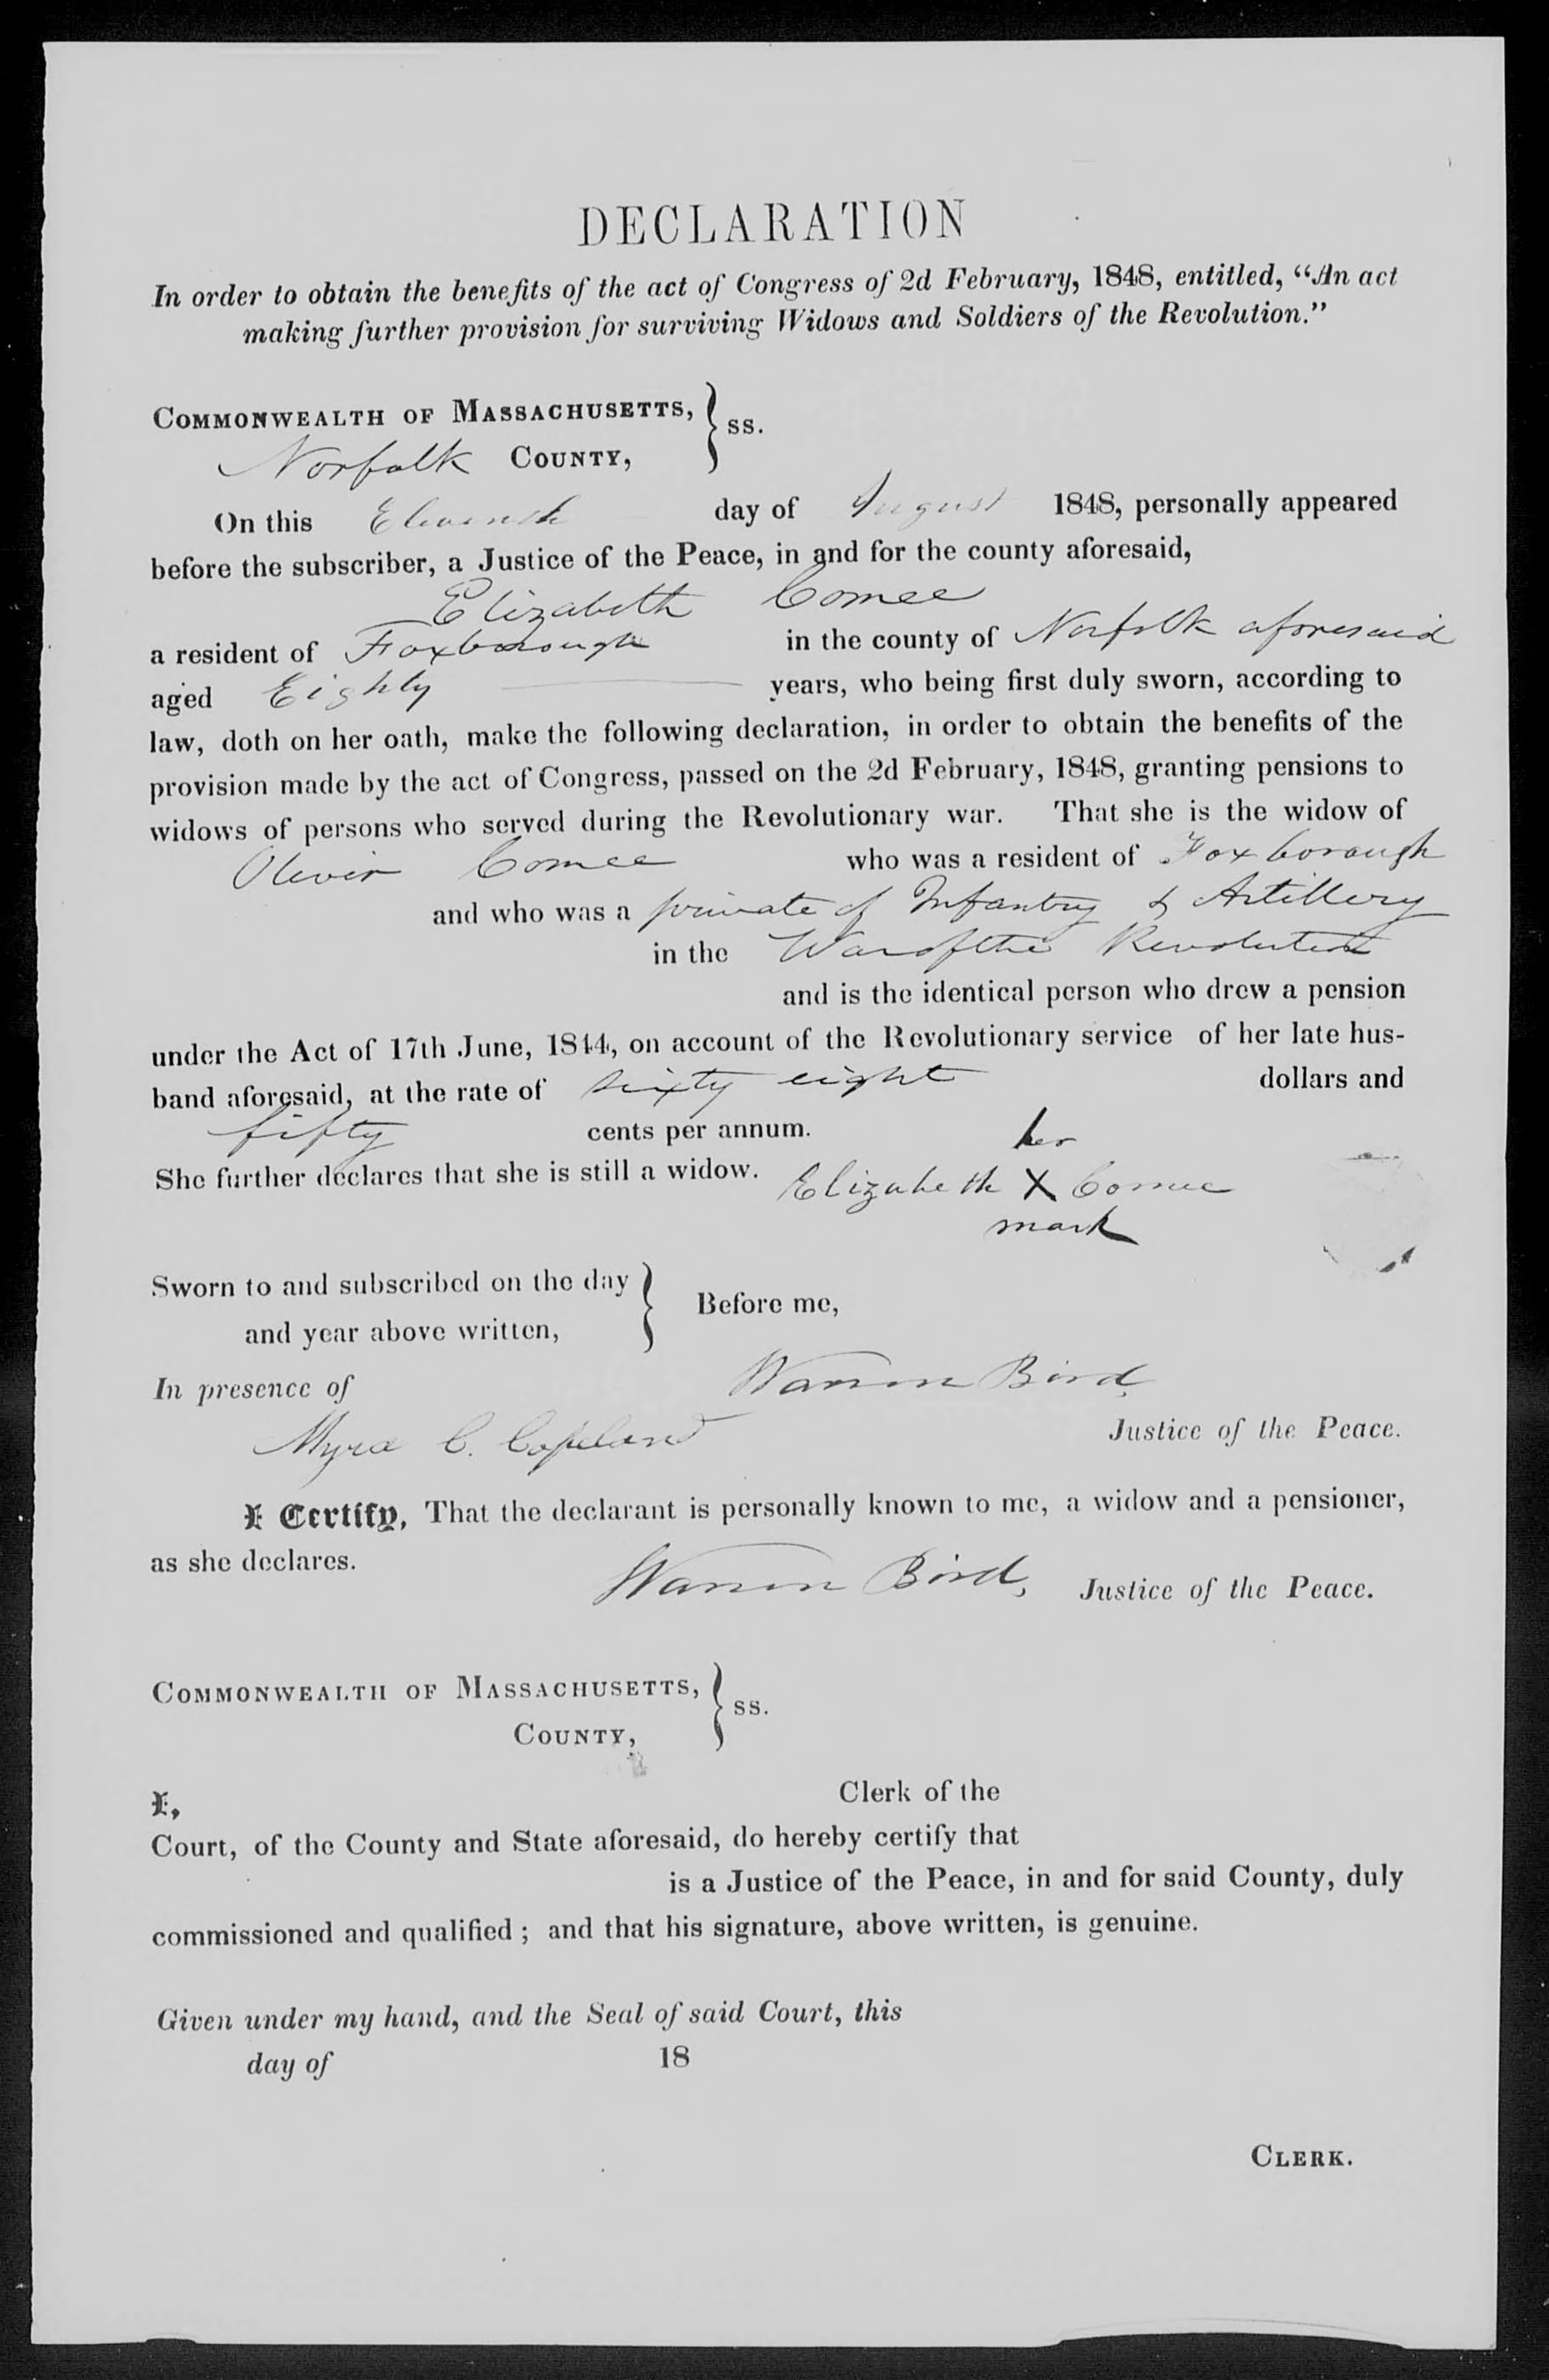DECLARATION 

In order to obtain the benefits of the act of Congress of 2d February, 1848, entitled "An act making further provision for surviving Widows and Soldiers of the Revolution." 

COMMONWEALTH OF MASSACHUSETTS, Norfolk COUNTY, } SS.

On this Eleventh day of August 1848, personally appeared before the subscriber, a Justice of the Peace, in and for the county aforesaid, Elizabeth Comee a resident of Foxborough in the county of Norfolk aforesaid aged Eighty years, who being first duly sworn, according to law, doth on her oath, make the following declaration, in order to obtain the benefits of the provision made by the act of Congress, passed on the 2d February, 1848, granting pensions to widows of persons who served during the Revolutionary war. That she is the widow of Oliver Comee who was a resident of Foxborough and who was a private of Infantry & Artillery in the War of the Revolution and is the identical person who drew a pension under the Act of 17th June, 1844, on account of the Revolutionary service of her late husband aforesaid, at the rate of sixty eight dollars and fifty cents per annum. She further declares that she is still a widow. 
Elizabeth (her X mark ) Comee
 Sworn to and subscribed on the day and year above written,} Before me,  Warren Bird, Justice of the Peace
In presence of Myra C. Copeland
I Certify, That the declarant is personally known to me, a widow and a pensioner, as she declares.
Warren Bird, Justice of the Peace.
COMMONWEALTH OF MASSACHUSETTS, 
——- COUNTY, }SS.
I, ——— Clerk of the Court, of the County and State aforesaid, do hereby certify that ———is a Justice of the Peace, in and for said County, duly commissioned and qualified; and that his signature, above written, is genuine.
Given under my hand, and the Seal of said Court, this day of  ——- 18–

CLERK.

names: Warren Bird, Myra C Copeland, Warren Bird, Oliver Comee, Elizabeth Comee, Elizabeth Comee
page: 37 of 45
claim: widow's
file: W. 14,567, Oliver Comee, Mass.